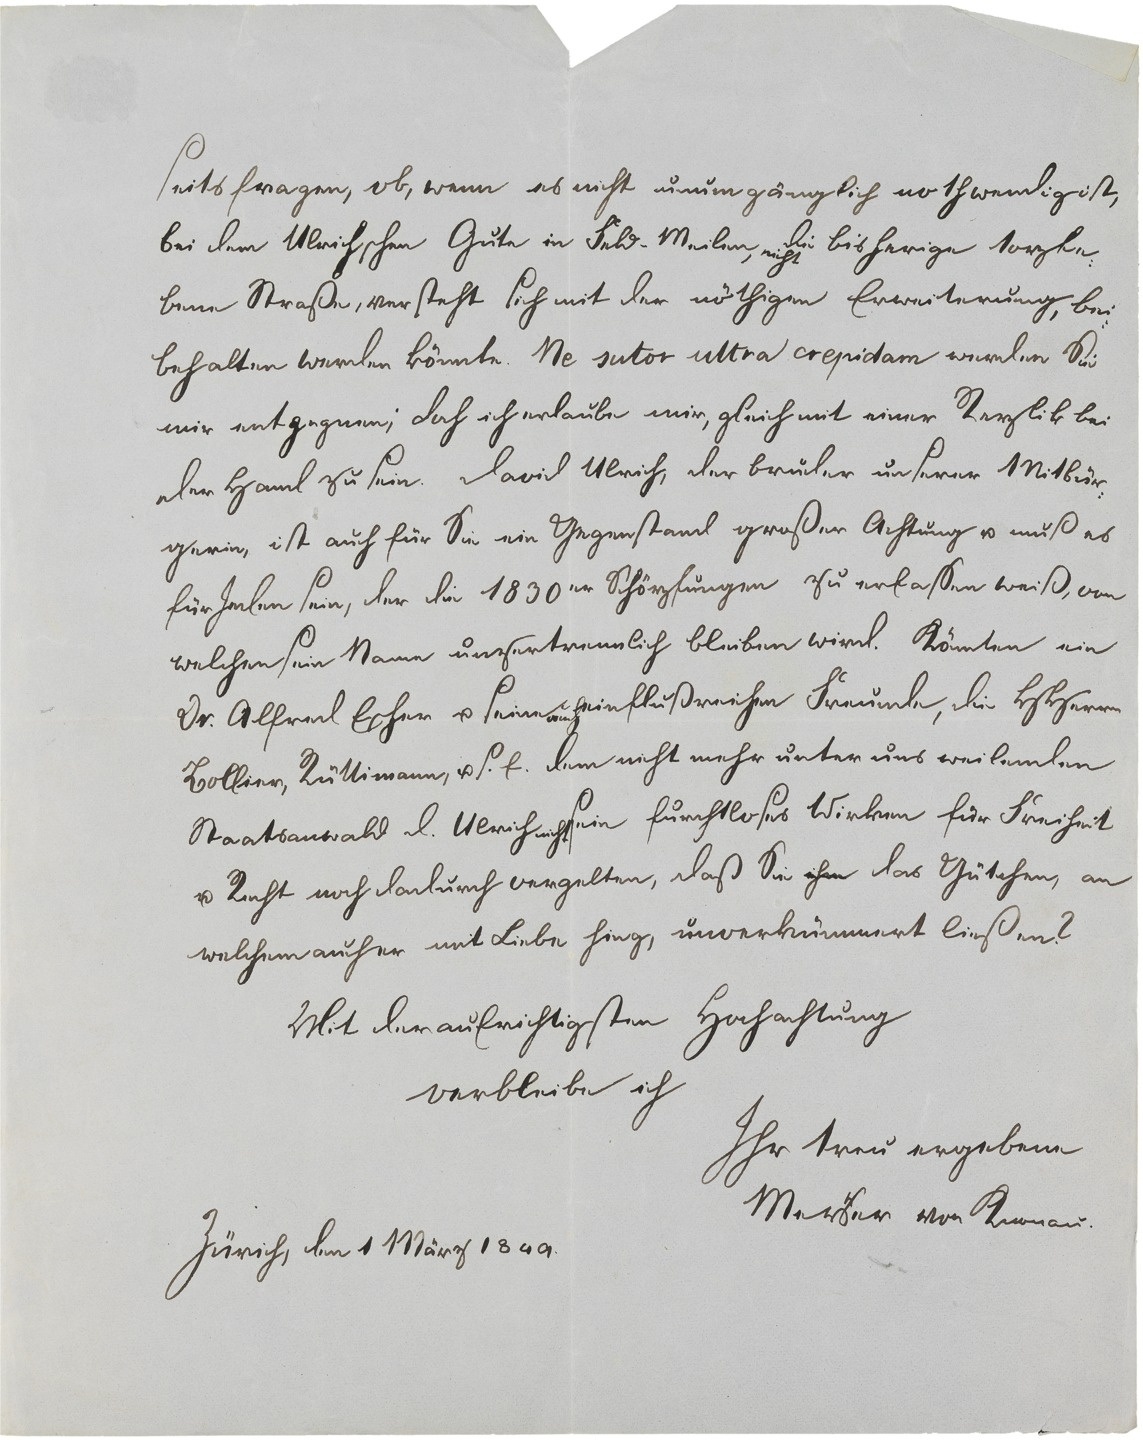seits fragen, ob, wenn es nicht unumgänglich nothwendig ist,
bei dem Ulrichschen Gute in Feld-Meilen, nicht die bisherige topfe-
bene Straße, versteht sich mit der nöthigen Erweiterung, bei-
behalten werden könnte. Ne sutor ultra crepidam werden Sie
mir entgegnen; doch ich erlaube mir, gleich mit einer Replik bei
der Hand zu sein. David Ulrich, der Bruder unserer Mitbür-
gerin, ist auch für Sie ein Gegenstand großer Achtung & muß es
für Jeden sein, der die 1830er Schöpfungen zu erfassen weiß, von
welchen sein Name unzertrennlich bleiben wird. Könnten ein
Dr. Alfred Escher & seine auch einflußreichen Freunde, die HHerren
Bollier, Rüttimann, &s. f. dem nicht mehr unter uns weilenden
Staatsanwald D. Ulrich nicht sein furchtloses Wirken für Freiheit
& Recht noch dadurch vergelten, daß Sie ihm das Gütchen, an
welchem auch er mit Liebe hing, unverkümmert ließen?
Mit der aufrichtigsten Hochachtung
verbleibe ich
Ihr treu ergebener
Meyer von Knonau.
Zürich, den 1 März 1849.